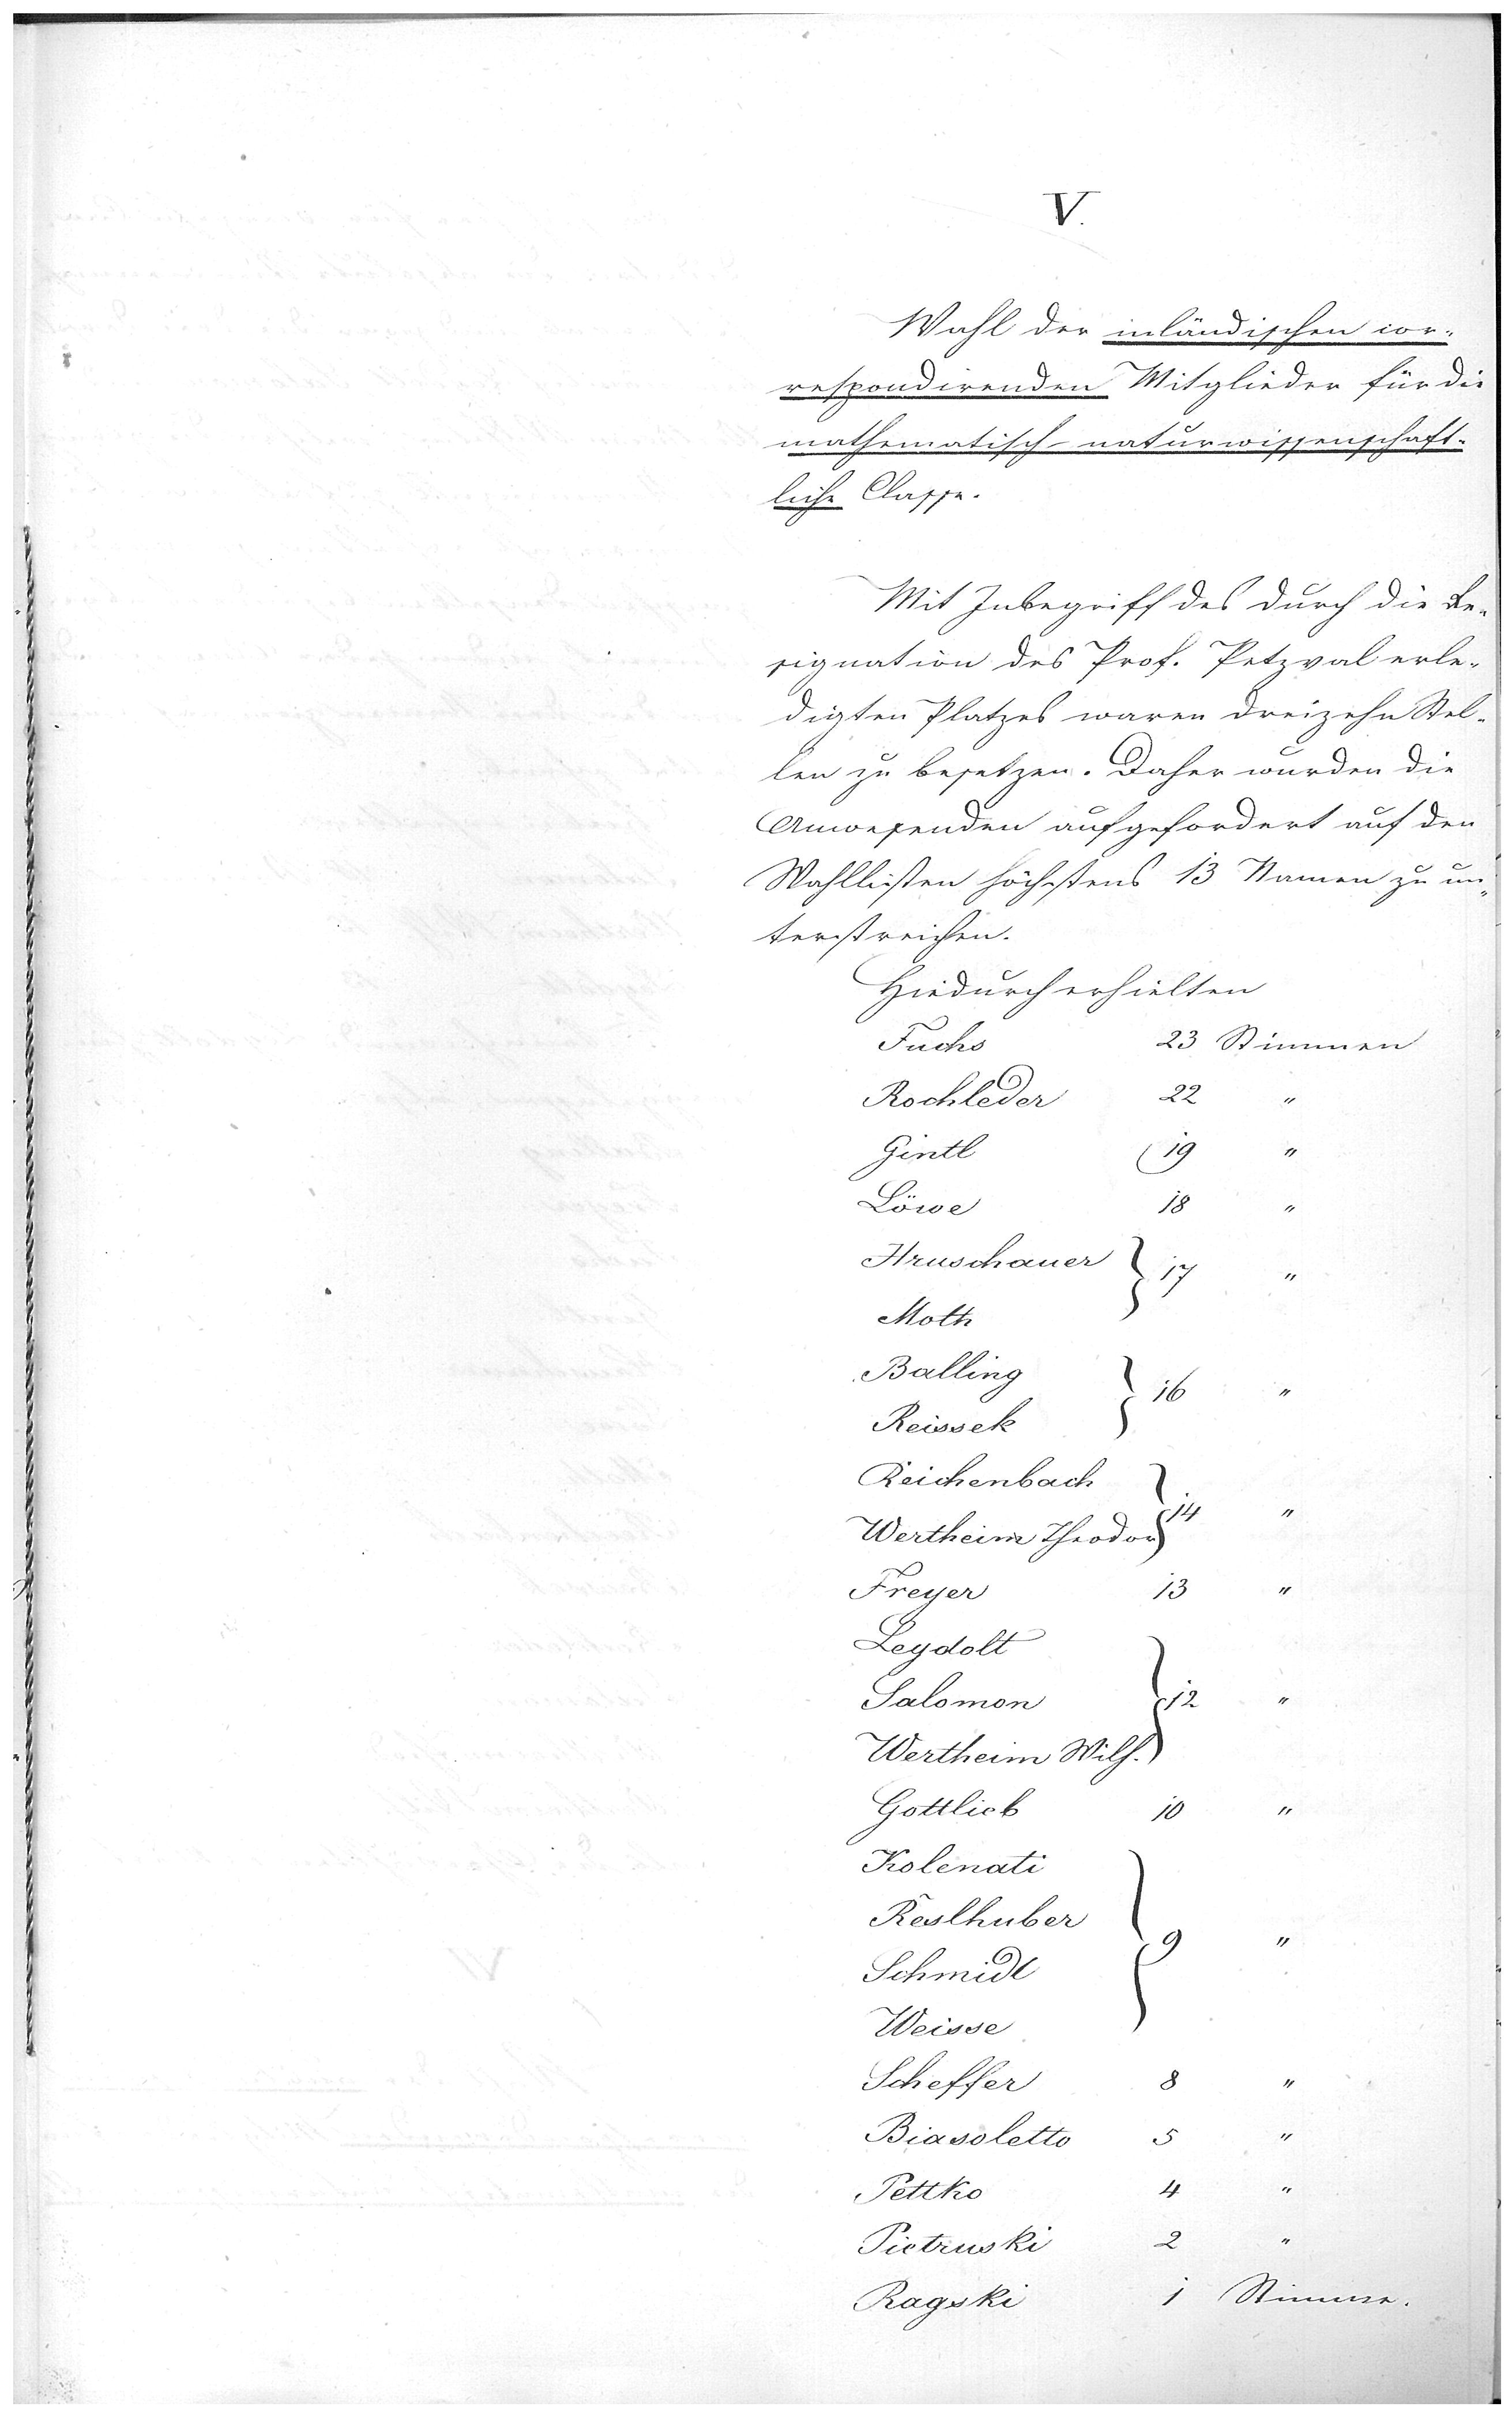V.
Wahl der inländischen cor-
respondirenden Mitglieder für die
mathematisch-naturwissenschaft--
liche Classe.
Mit Inbegriff des durch die Re-
signation des Prof. Petzval erle-
digten Platzes waren dreizehn Stel-
den zu besetzen. Daher wurden die
Anwesenden aufgefordert auf den
Wahllisten höchstens 13 Namen zu un-
terstreichen.
Hiedurch erhielten
Fuchs 23 Stimmen
Rochleder 22 "
Gintl 19 "
Löwe 18 "
Hruschauer 17 "
Moth 17 "
Balling 16 "
Reissek 16 "
Reichenbach 14 "
Wertheim Theodor 14 "
Freyer 13 "
Leydolt 12 "
Salomon 12 "
Wertheim Wilh. 12 "
Gottlieb 10 "
Kolenati 9 "
Reslhuber 9 "
Schmidl 9 "
Weisse 9 "
Scheffer 8 "
Biasoletto 5 "
Pettko 4 "
Pietruski 2 "
Ragski 1 Stimme